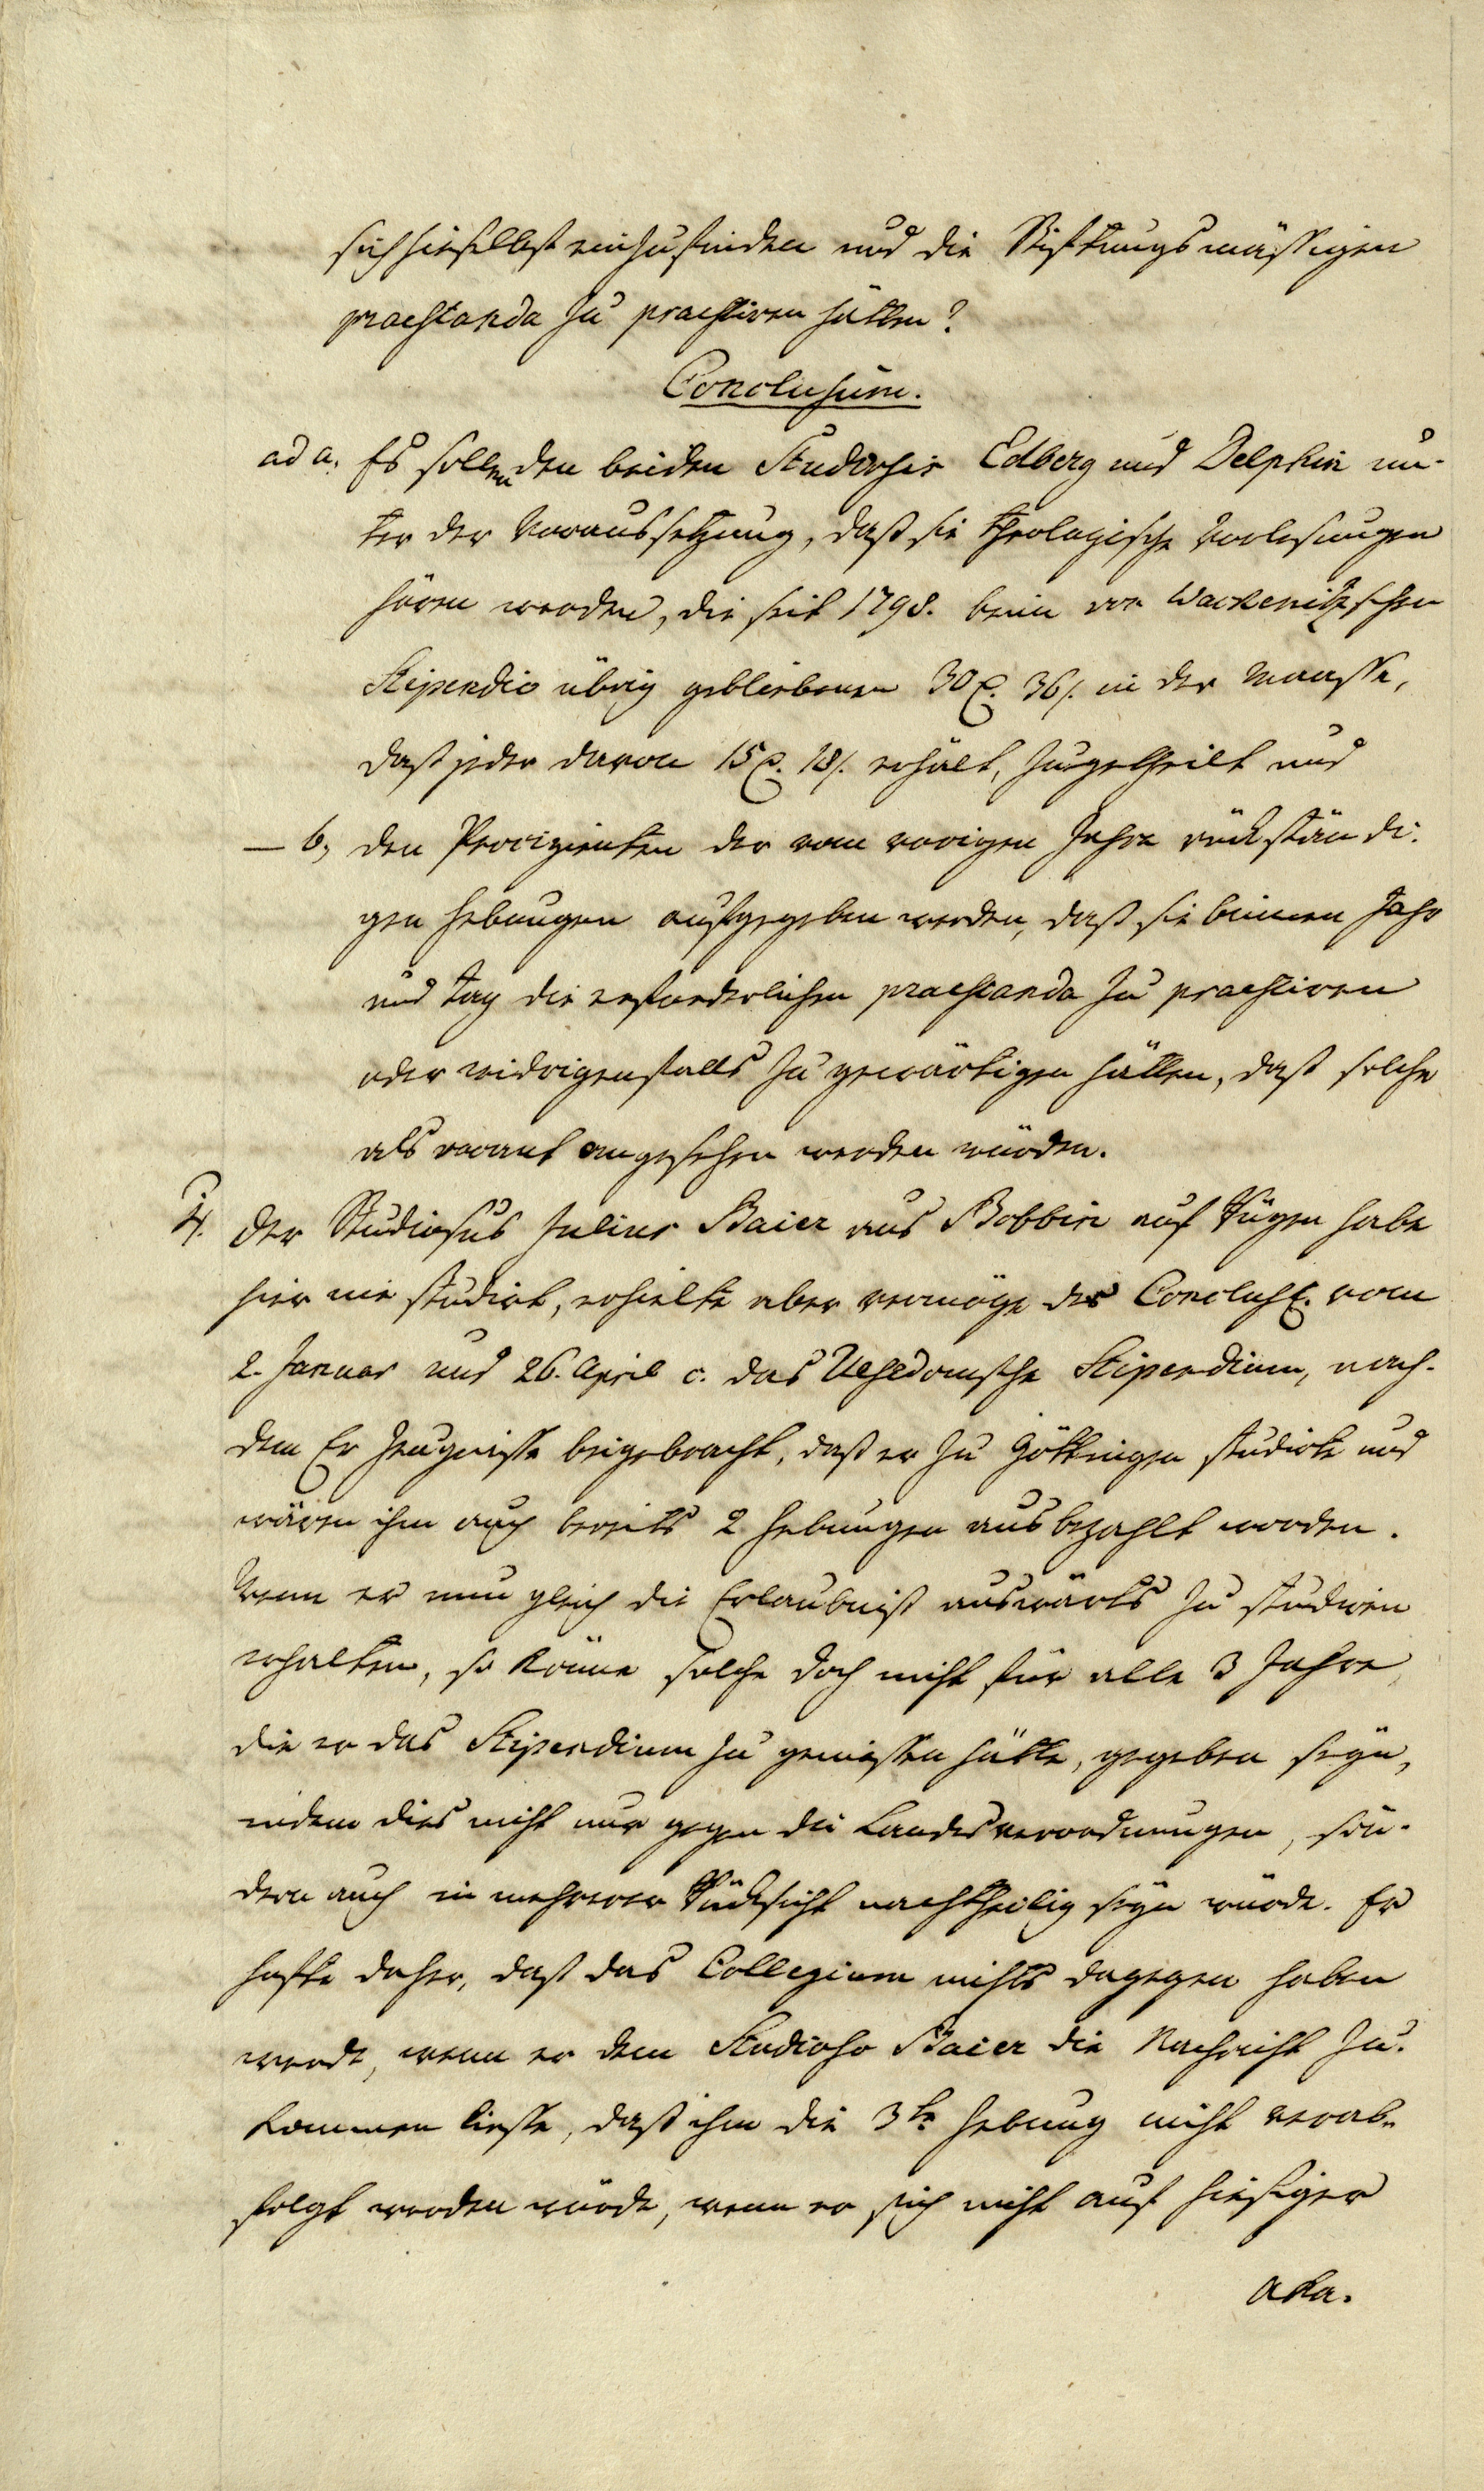sich hieselbst einzufinden und die Stiftiunpgs mässigen
praestanda zu praestiren hätten?
Conclusum.
ad a. Es sollen den beiden Studiosis Edberg und Delphin un¬
ter der Voraussetzung, daß sie Theologische Vorlesungen
hören werden, die seit 1798. beim von Wackenitzschen
Stipendio übrig gebliebenen 30 l. 36 s. in der Maasse,
daß jeder davon 15 l. 18 s. erhält, zugetheilt und
b, den Percipienten der vom vorigen Jahre rückständi¬
gen Hebungen aufgegeben werden, daß sie binnen Jahr
und Tag die erforderlichen praestanda zu praestiren
oder widrigenfalls zu gewärtigen hätten, daß solche
als vacant angesehen werden würden.
4. Der Studiosus Julius Baier aus Bobbin auf Rügen habe
hier nie studirt, erhielte aber vermöge des Conclus. vom
2. Januar und 26. April c. das Uesedomsche Stipendium, nach¬
dem Er Zeugnisse beigebracht, daß er zu Göttingen studirte und
wären ihm auch bereits 2 Hebungen aus bezahlt worden.
Wenn er nun gleich die Erlaubniß auswärts zu studiren
erhalten, so könne solche doch nicht für alle 3 Jahre
die er das Stipendium zu geniessen hätte, gegeben seÿn,
indem dies nicht nur gegen die Landesverordnungen, son¬
dern auch in mehrerer Rücksicht nachtheilig seÿn würde. Er
hofte daher, daß das Collegium nichts dagegen haben
werde, wenn er dem Studioso Baier die Nachricht zu¬
kommen liesse, daß ihm die 3 te Hebung nicht verab¬
folgt worden würde, wenn er sich nicht auf hiesiger
Aka¬